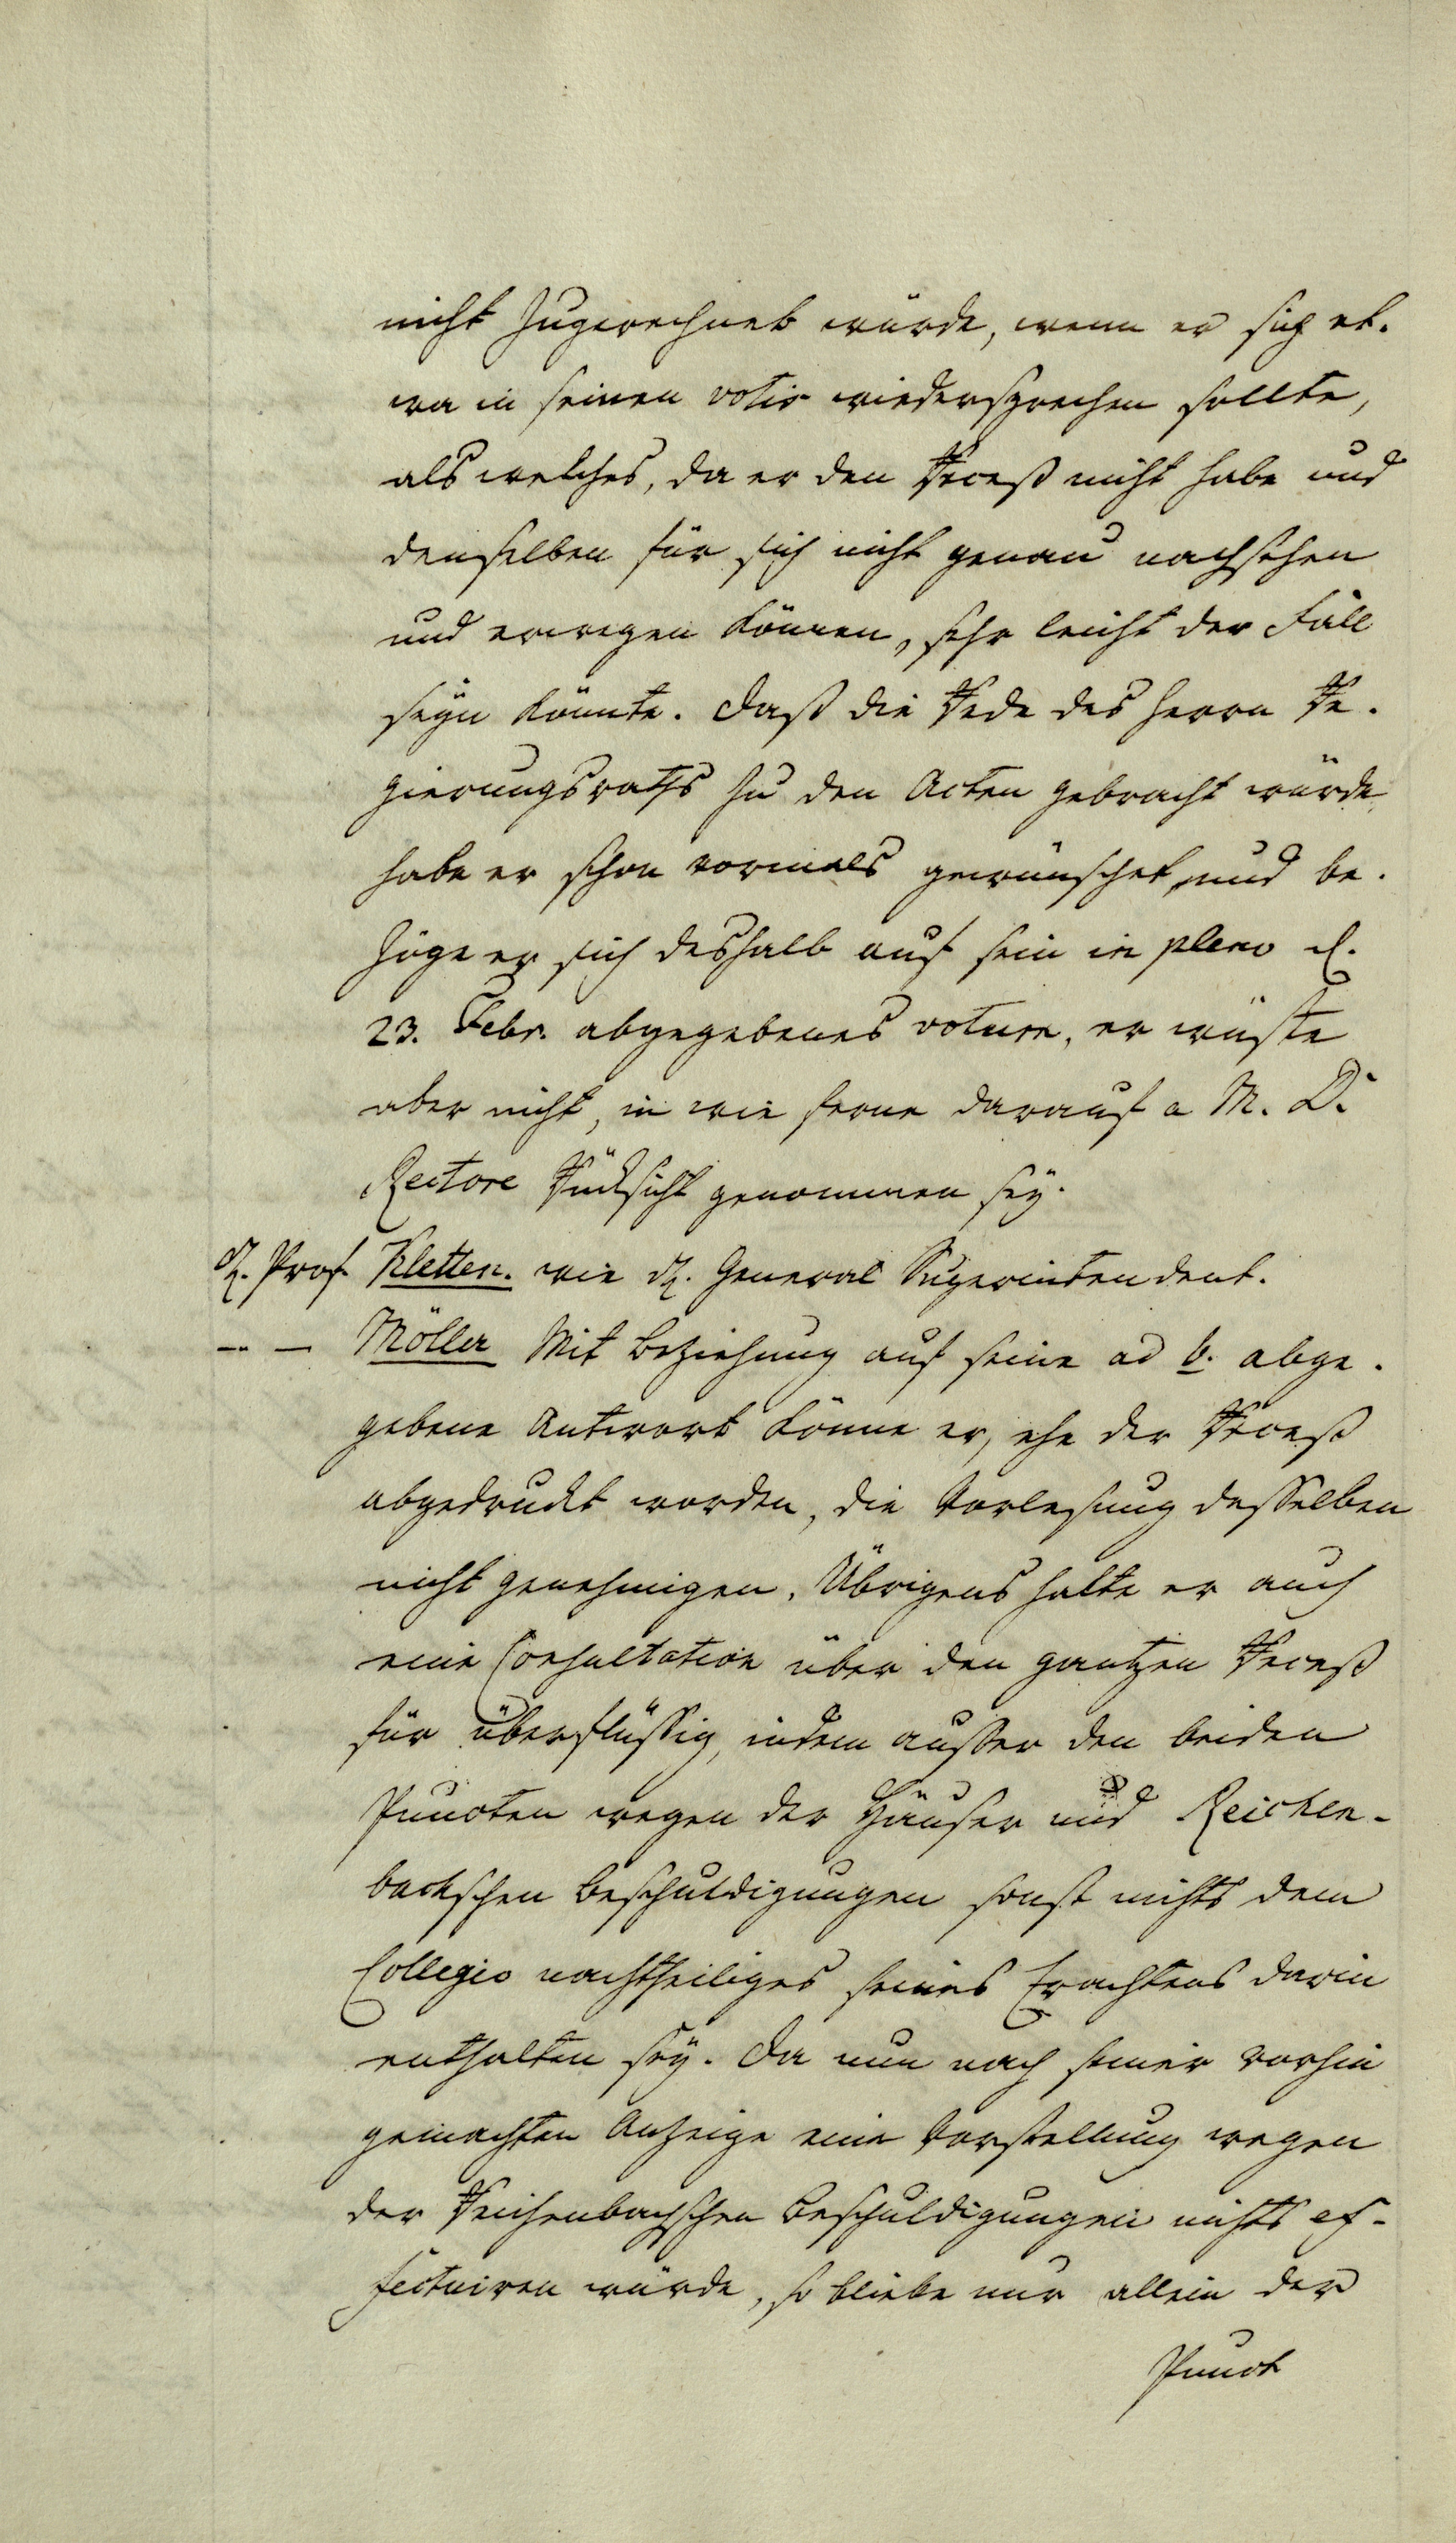nicht zugerechnet würde, wenn er sich et¬
wa in seinen votis wiedersprechen sollte,
als welches, da er den Receß nicht habe und
denselben für sich nicht genau nachsehen
und erwegen können, sehr leicht der Fall
seÿn könnte. daß die Rede des Herrn Re¬
gierungsraths zu den Acten gebracht würde,
habe er schon vormals gewünschet und be¬
zöge er sich deshalb auf sein in pleno d.
23. Febr. abgegebenes votum, er wüßte
aber nicht, in wie ferne darauf a M. D.
Rectore Rücksicht genommen seÿ.
dh. Prof. Kletten. wie dh. General Superintendent.
Möller. Mit Beziehung auf seine ad b. abge¬
gebene Antwort könne er, ehe der Receß
abgedruckt worden, die Vorlesung desselben
nicht genehmigen. Übrigens halte er auch
eine Consultation über den gantzen Receß
für überflüssig, indem ausser den beiden
Puncten wegen der Häuser und Reichen¬
bachschen Beschuldigungen sonst nicht dem
Collegio nachtheiliges seines Erachtens darin
enthalten seÿ. Da nun nach seiner vorhin
gemachten Anzeige eine Vorstellung wegen
der Reichenbachschen Beschuldigungen nichts ef¬
fectuiren würde, so bliebe nur allein der
Punct